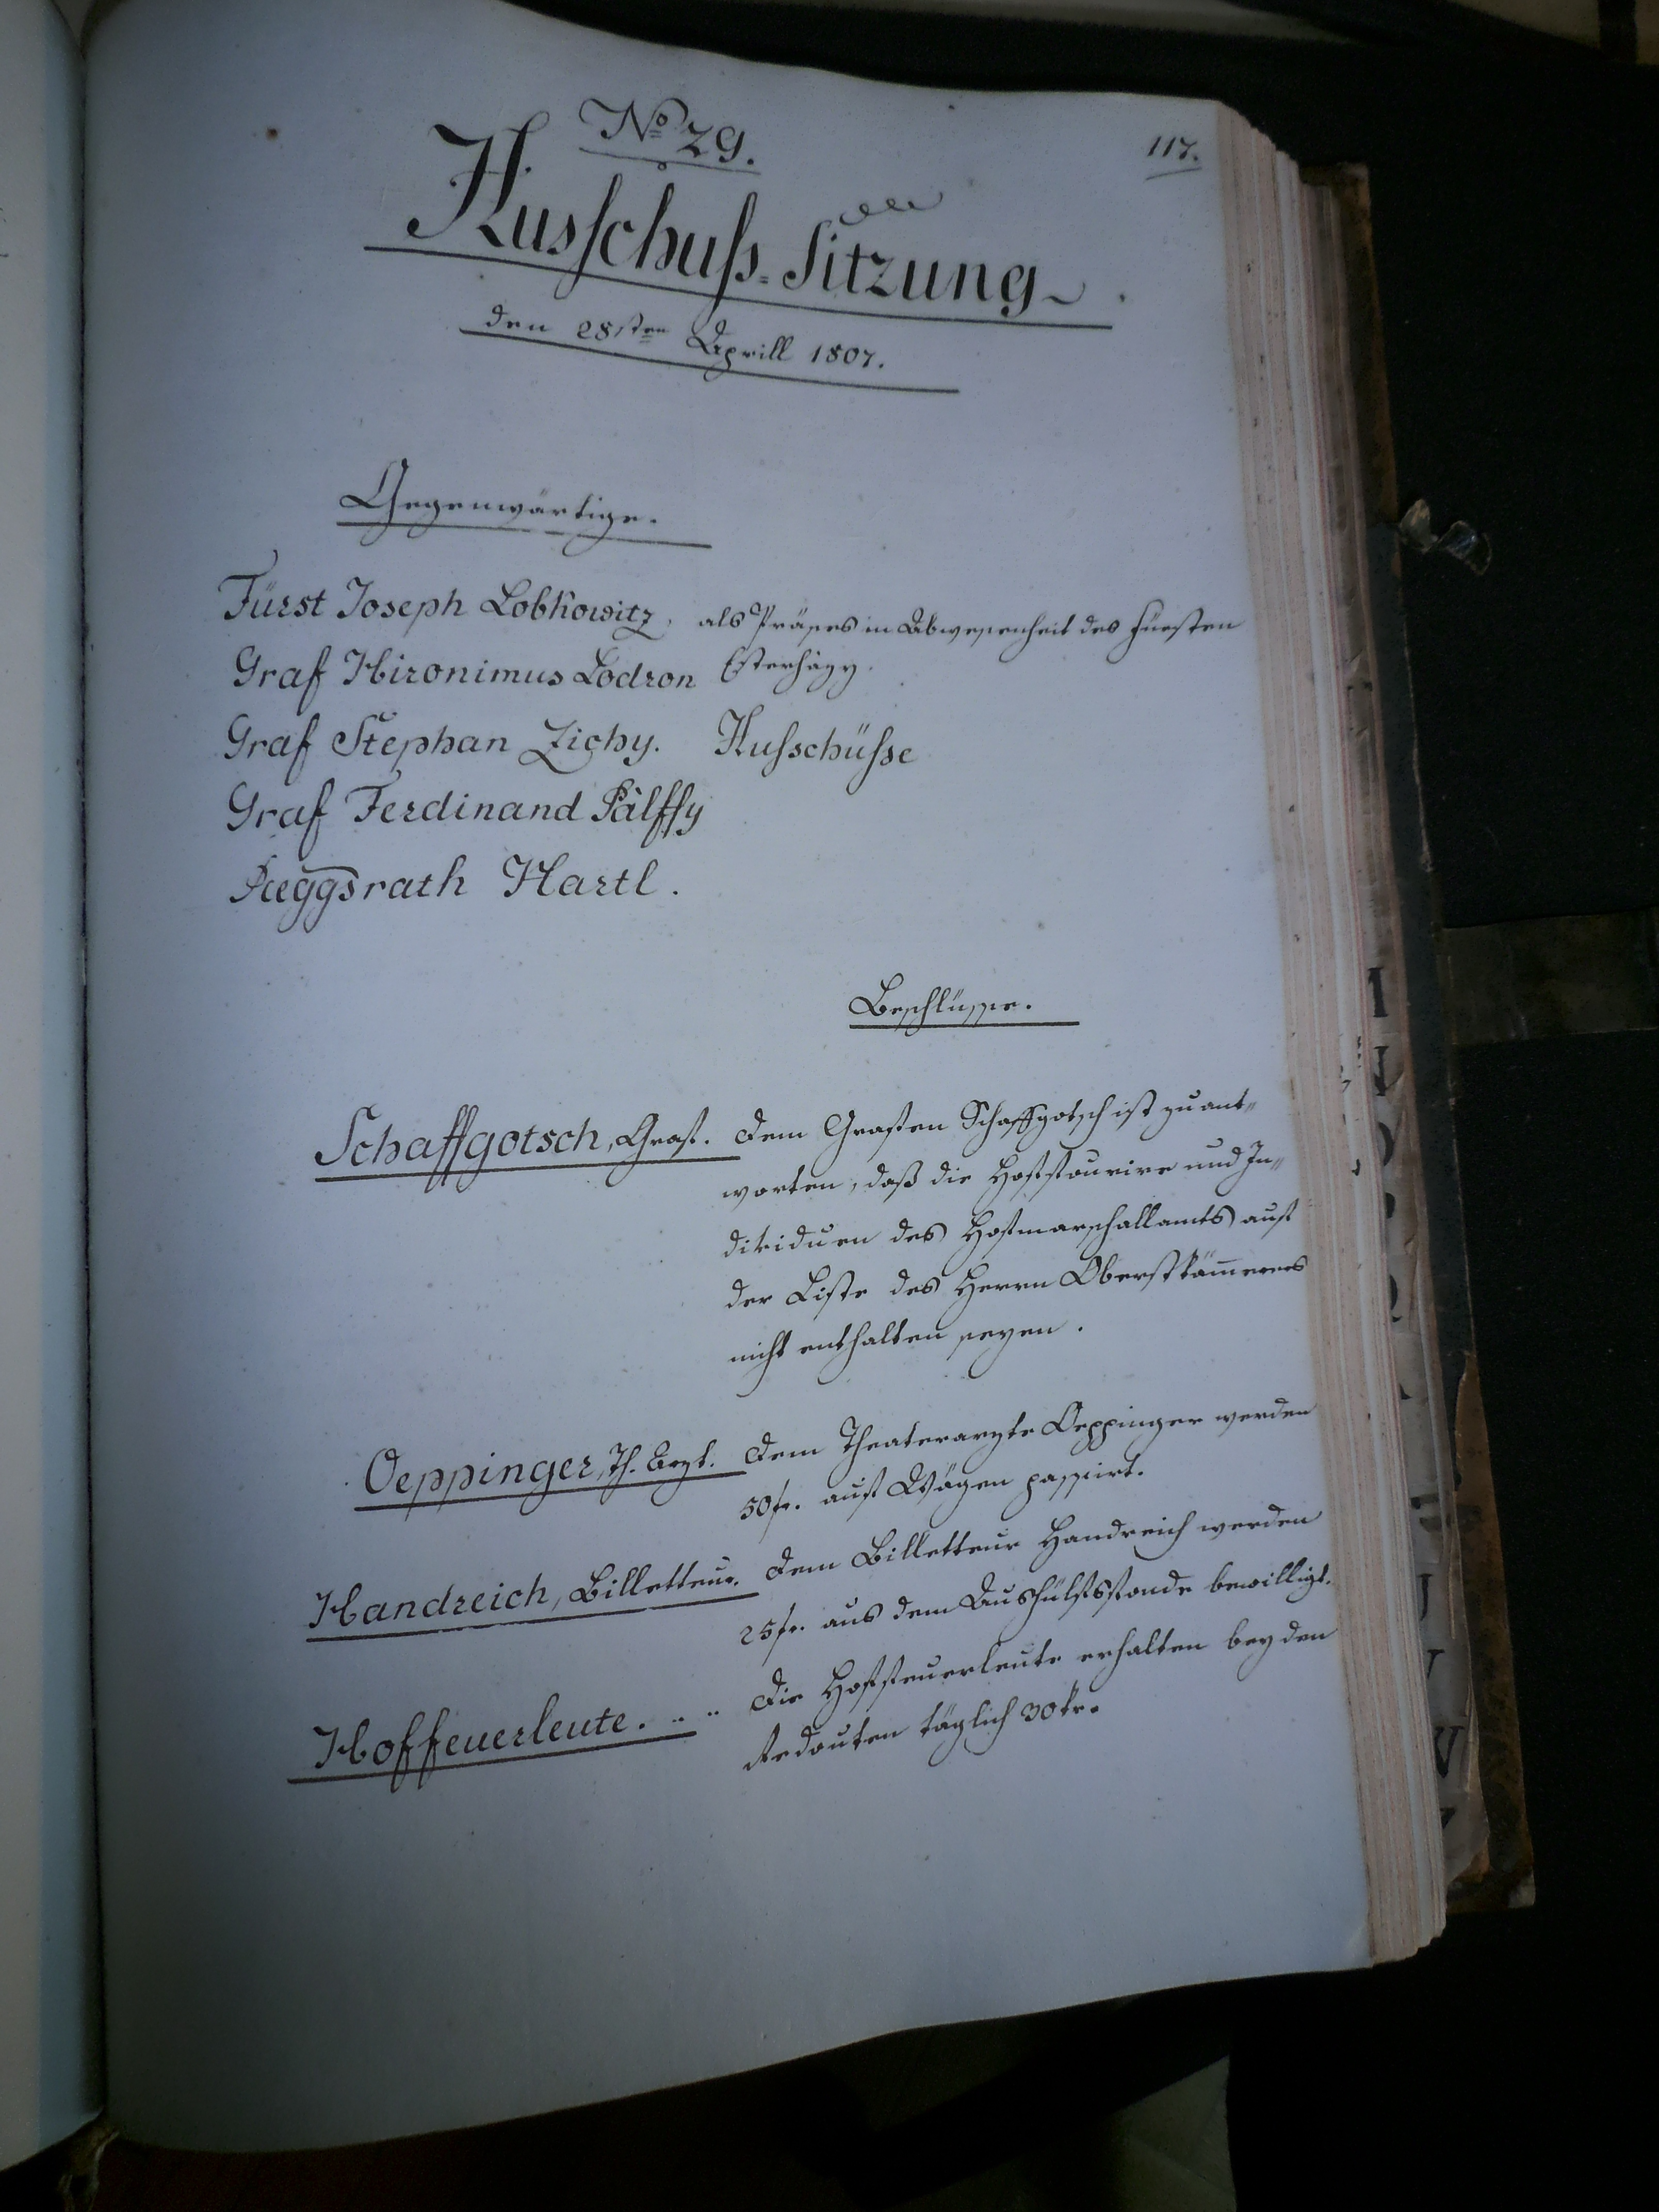117.
No͇ 29.
Ausschuss=Sitzung
den 28ste͇n Aprill 1807.
Gegenwärtige.
Fürst Joseph Lobkowitz, als Präses in Abwesencheit des Fürsten
Esterhazy
Graf Hironimus Lodron
Graf Stephan Zichy.
Graf Ferdinand Pàlffy
Reg͞gsrath Hartl.
Ausschüsse
Beschlüsse.
Schaffgotsch, Graf. Dem Grafen Schaffgotsch ist zu ant¬
worten, daß die Hoffourire und In¬
dividuen des Hofmarschallamts auf
der Liste des Herrn Oberstkäm̅erers
nicht enthalten seyen.
Oeppinger, Th. Arzt. Dem Theaterarzte Oeppinger werden
50fr. auf Wägen passirt.
Handreich, Billetteur. Dem Billetteur Handreich werden
25fr. aus dem Aushülfsfonde bewilligt.
Hoffeuerleute . .. .. Die Hoffeuerleute erhalten bey den
Redouten täglich 30kr.